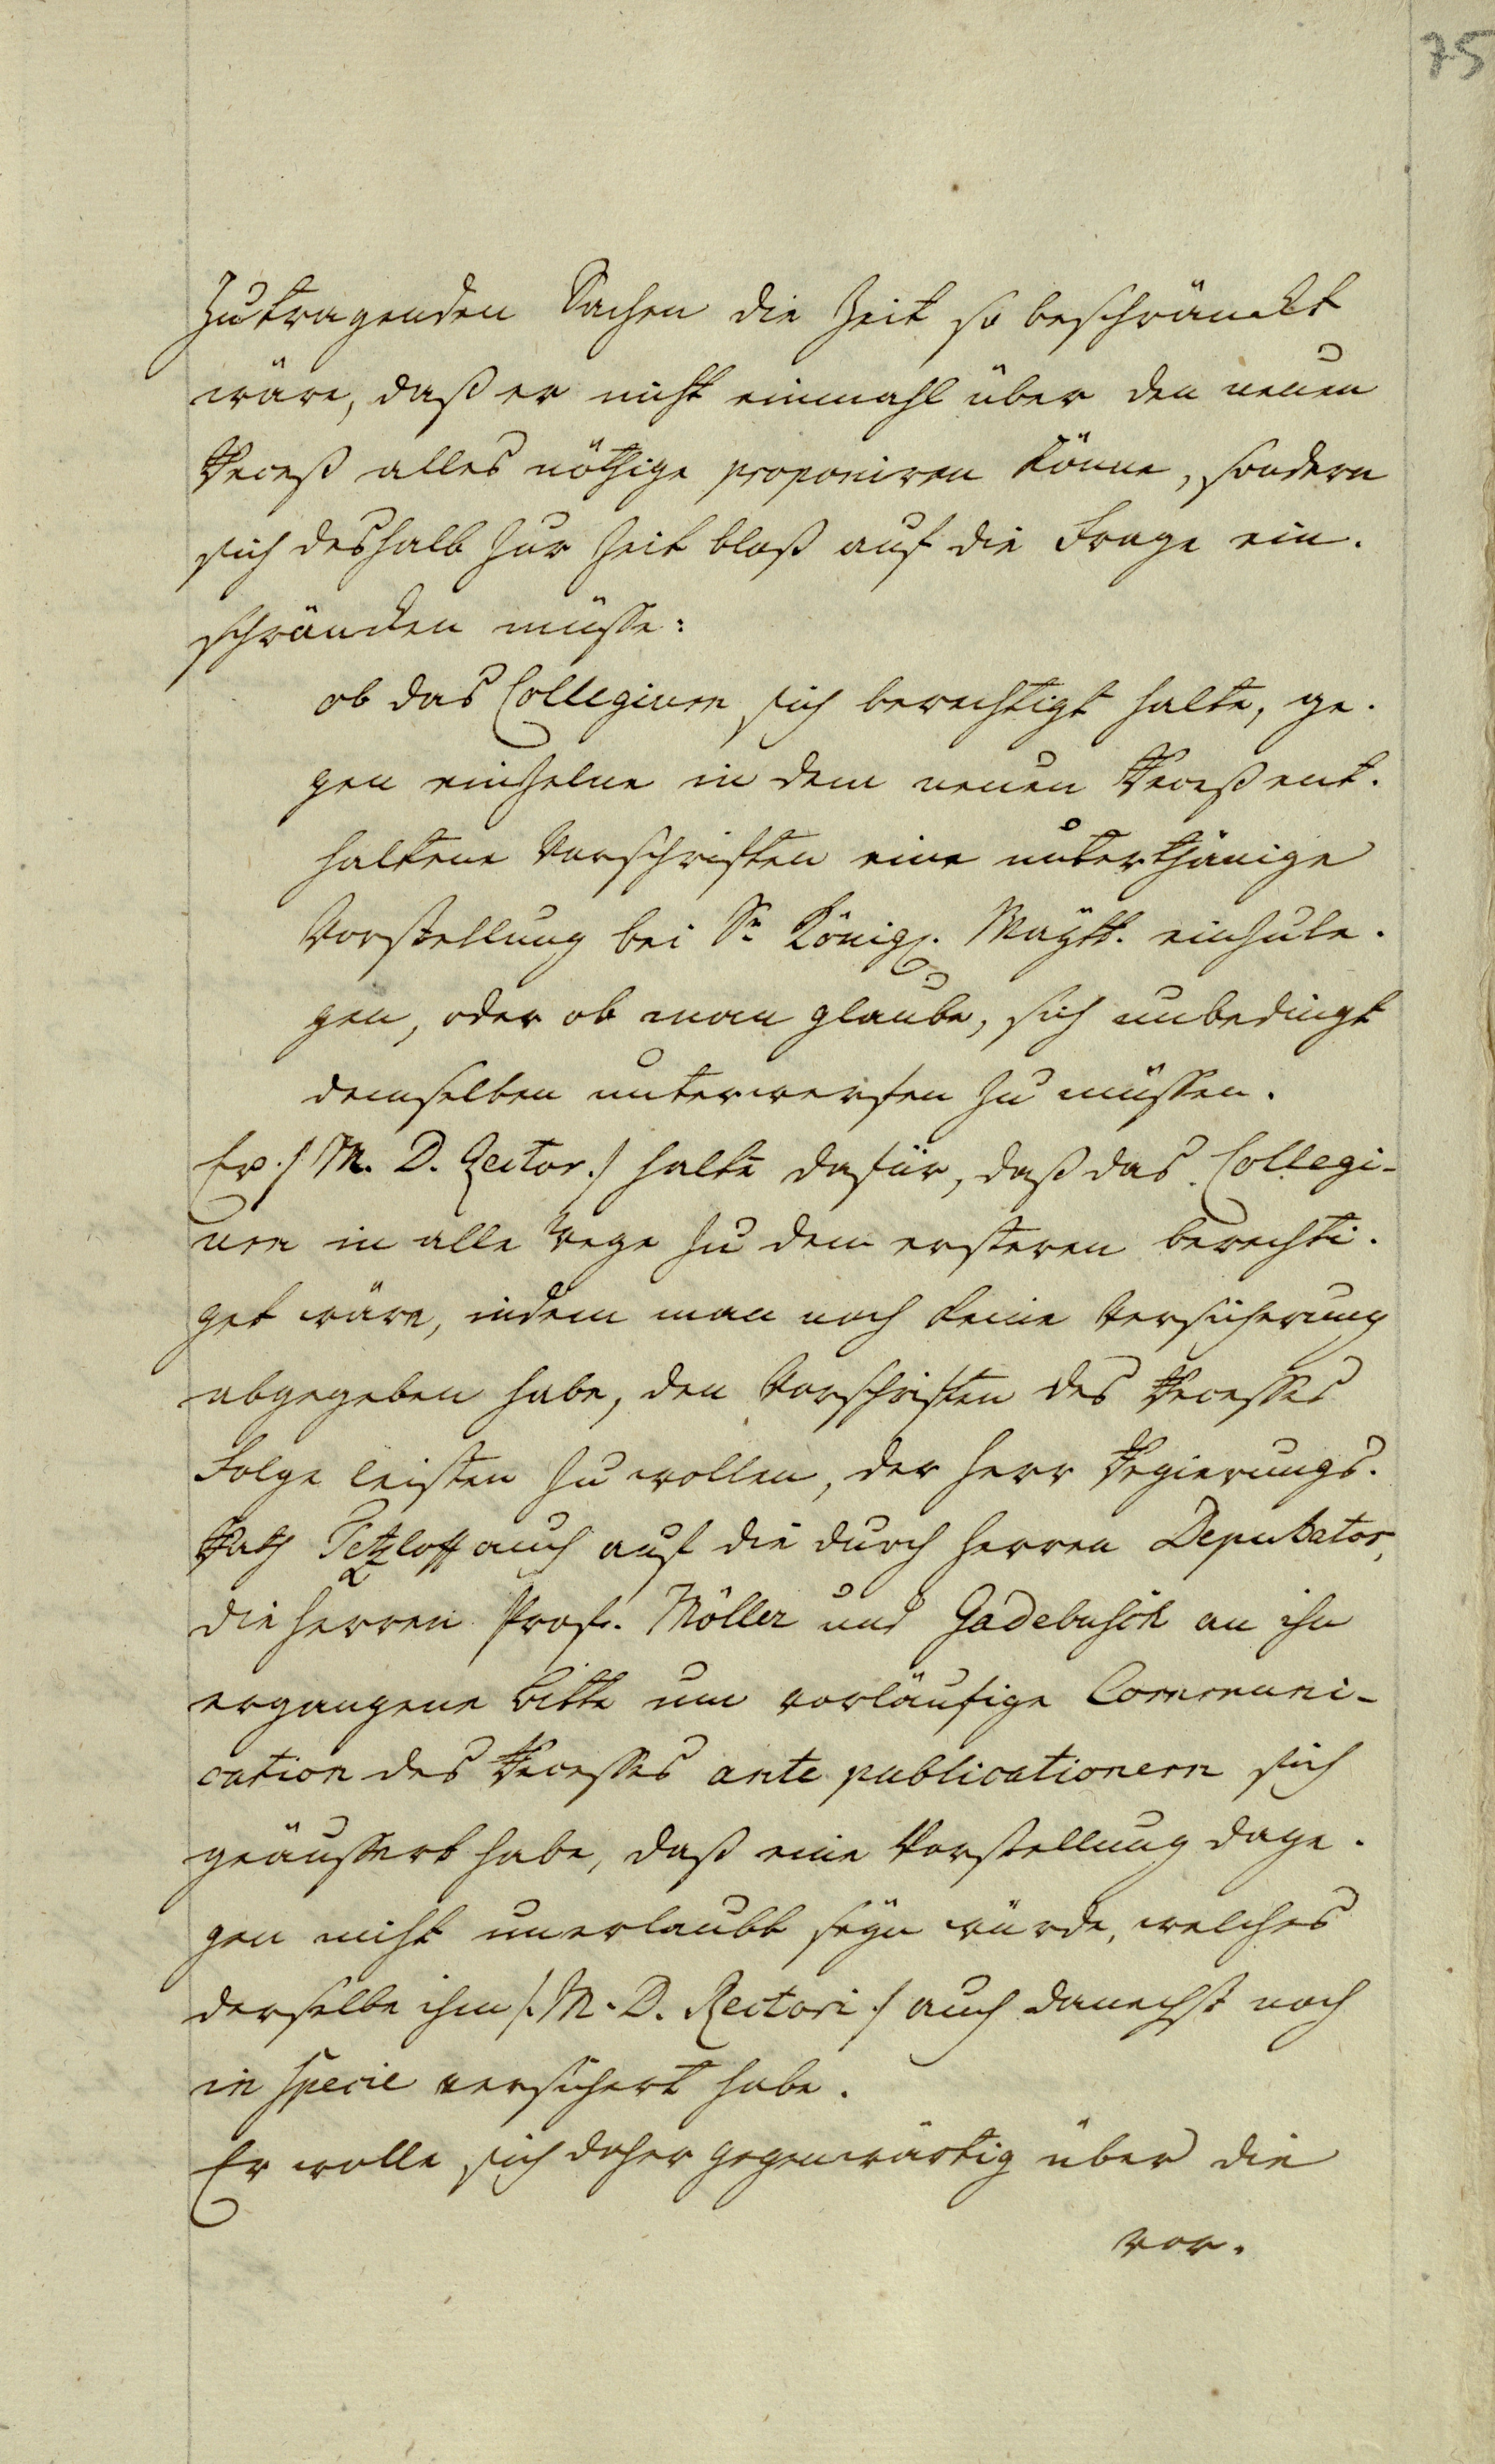zutragenden Sachen die Zeit so beschränckt
wäre, daß er nicht einmahl über den neuen
Receß alles nöthige proponiren könne, sondern
sich deshalb zur Zeit bloß auf die Frage ein¬
schräncken müsse:
ob das Collegium sich berechtigt halte, ge¬
gen einzelne in dem neuen Receß ent¬
haltene Vorschriften eine unterthänige
Vorstellung bei Sr Königl. Maÿtt. einzule¬
gen, oder ob man glaube, sich unbedingt
demselben unterwerfen zu müssen.
Er ./ M. D. Rector ./ halte dafür, daß das Collegi¬
um in alle Wege zu dem ersteren berechti¬
get wäre, indem man noch keine Versicherung
abgegeben habe, den Vorschriften des Recesses
Folge leisten zu wollen, der Herr Regierungs¬
Rath Tetzloff auch auf die durch Herren Deputatos,
die Herren Prof. Möller und Gadebusch an ihn
ergangene Bitte um vorläufige Communi¬
cation des Recesses ante publicationem sich
geäussert habe, daß eine Vorstellung dage¬
gen nicht unerlaubt seÿn würde, welches
derselbe ihm /. M. D. Rectori ./ auch danechst noch
in specie versichert habe.
Er wolle sich daher gegenwärtig über die
vor¬